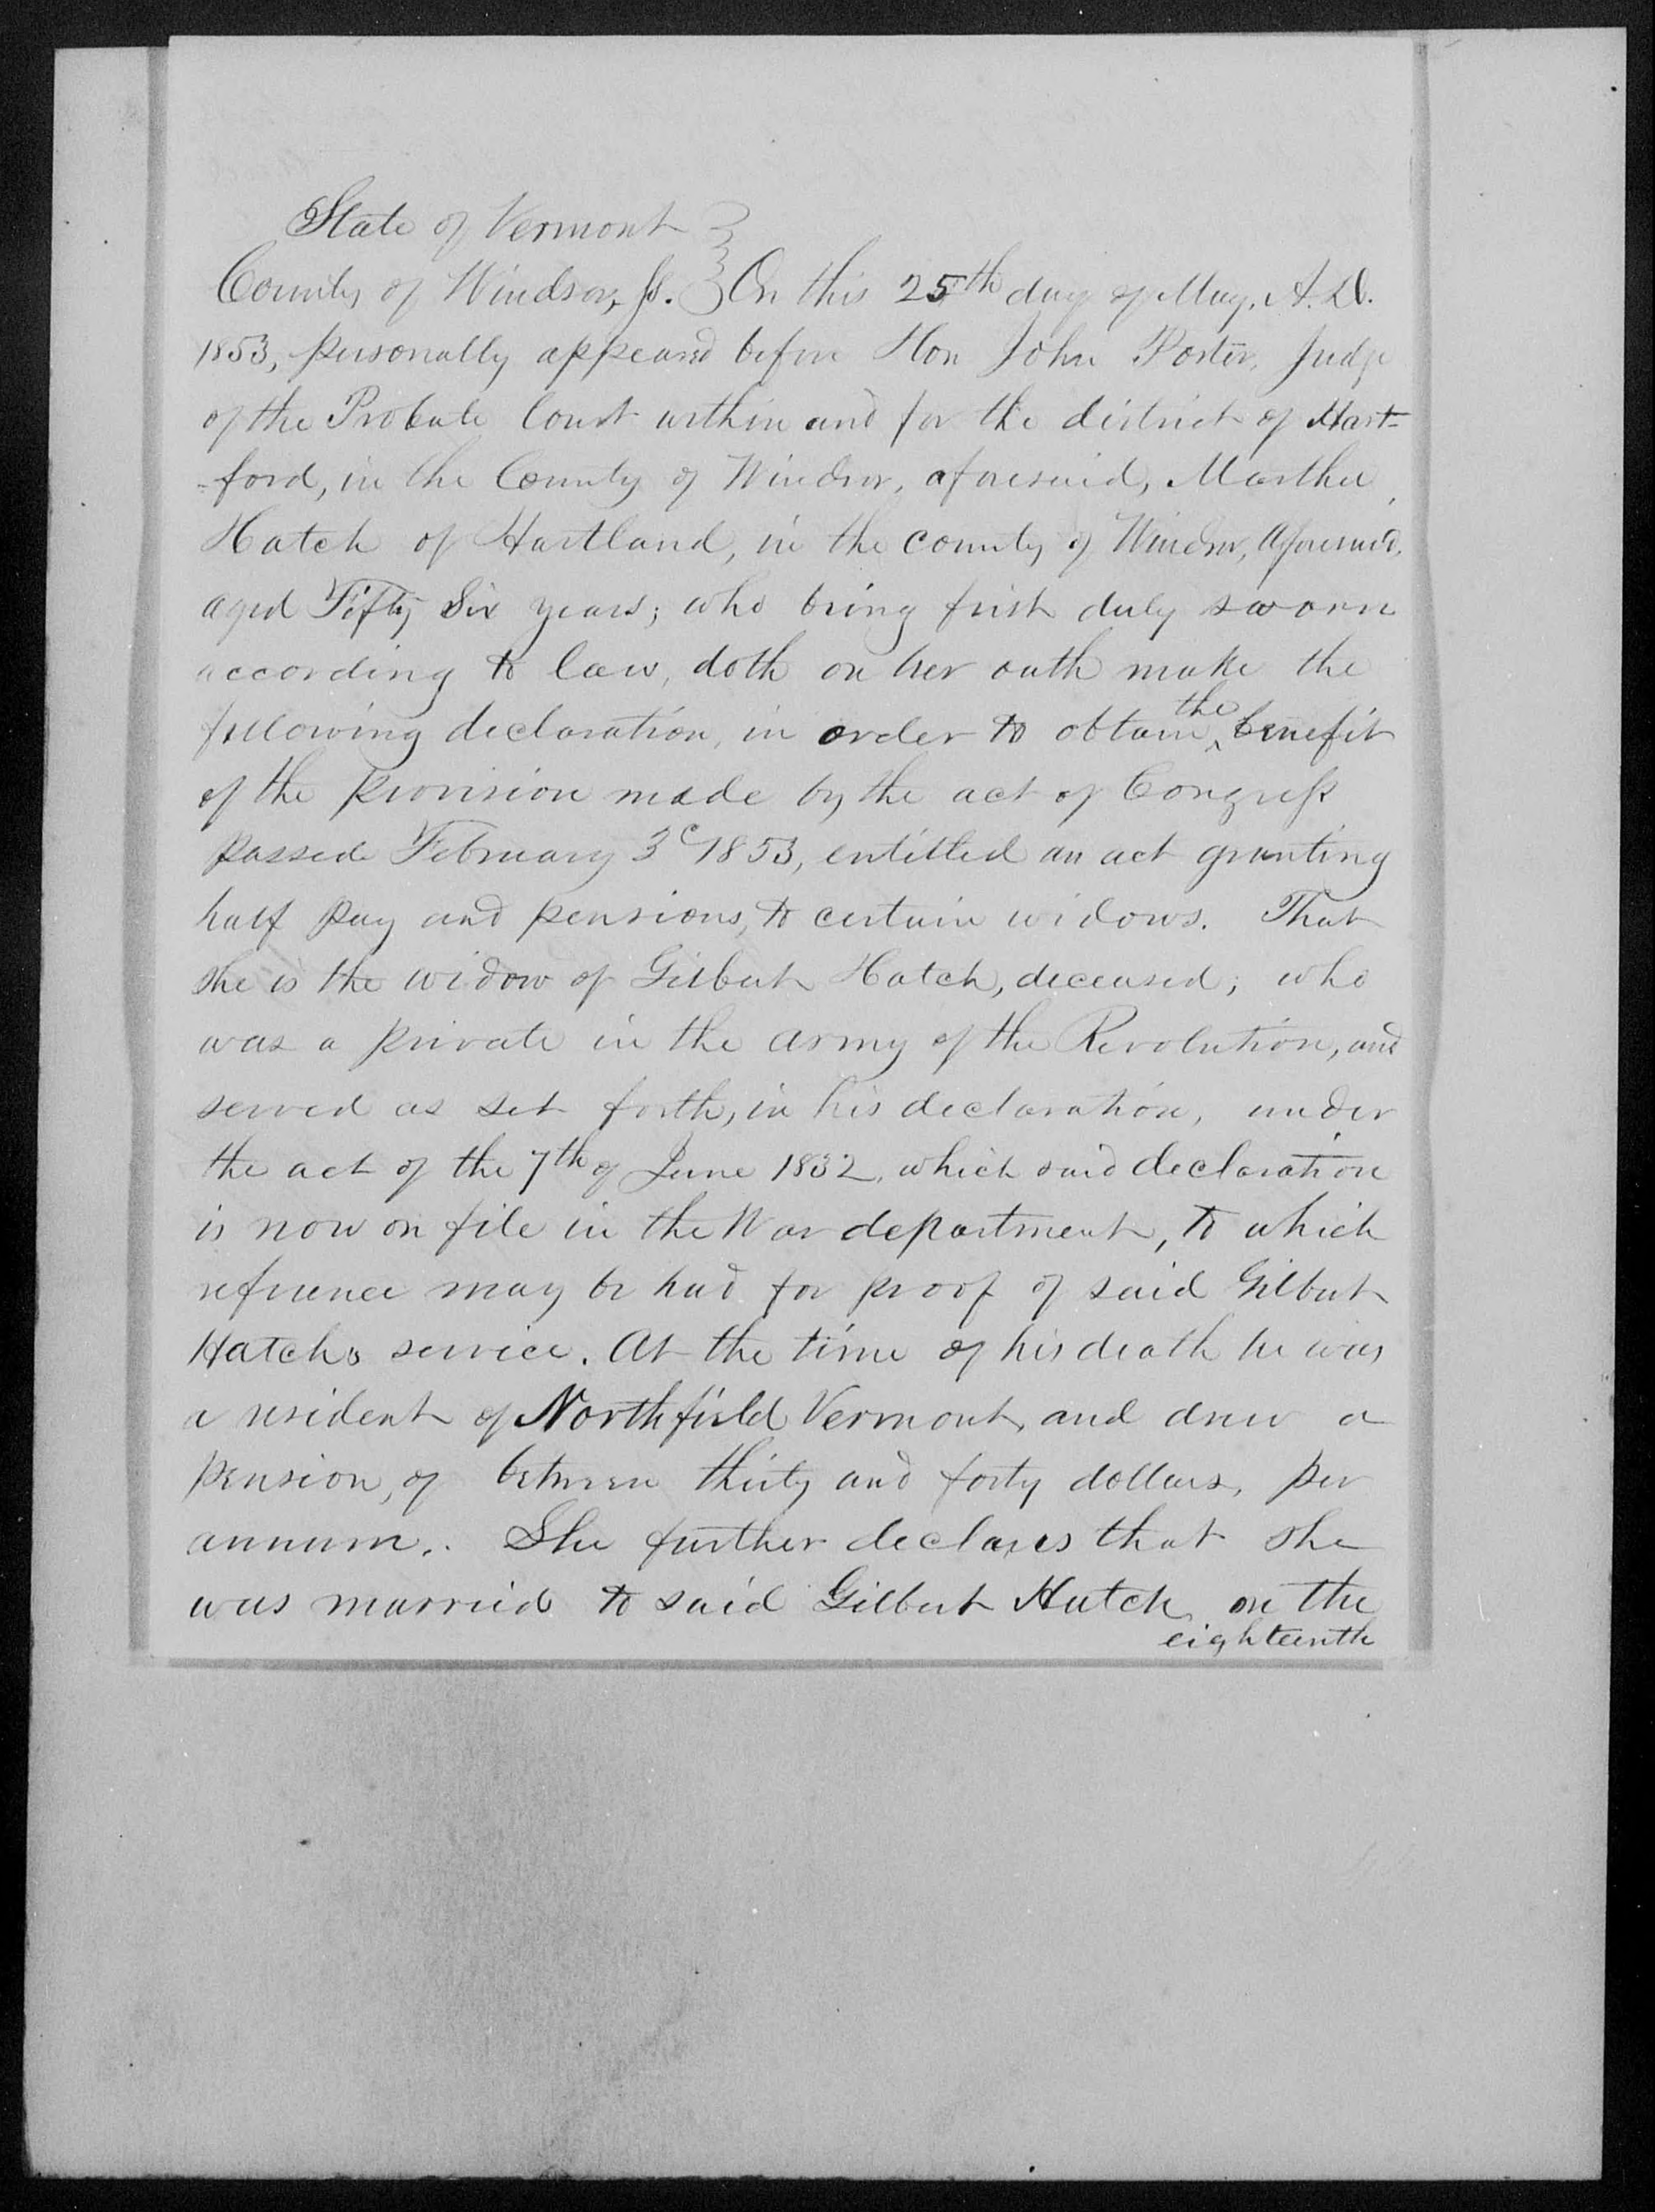State of Vermont }
County of Windsor, ss } On this 25th day of May A.D. 1853, personally appeared before Hon John Porter, Judge of the Probate Court within and for the district of Hartford,  in the County of Windsor, aforesaid, Martha Hatch of Hartland, in the County of Windsor, aforesaid aged Fifty Six years; who being first duly sworn according to law, doth on her oath make the following declaration, in order to obtain [^the] benefit of the provision made by the act of Congress passed February 3d 1853, entitled an act granting half pay and pensions to certain widows. That she is the widow of Gilbert Hatch, deceased, who was a private in the Army of the Revolution, and served as set forth, in his declaration, under the act of the 7th of June 1832, which said declaration is now on file in the war department, to which reference may be had for proof of said Gilbert Hatch's service. At the time of his death he was resident of Northfield Vermont, and drew a pension, of between thirty and forty dollars, per annum. She further declares that she was married to said Gilbert Hatch on the eighteenth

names: John Porter, Gilbert Hatch, Martha Hatch, Gilbert Hatch, Gilbert Hatch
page: 8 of 47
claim: widow's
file: W. 225, Gilbert Hatch, Conn.